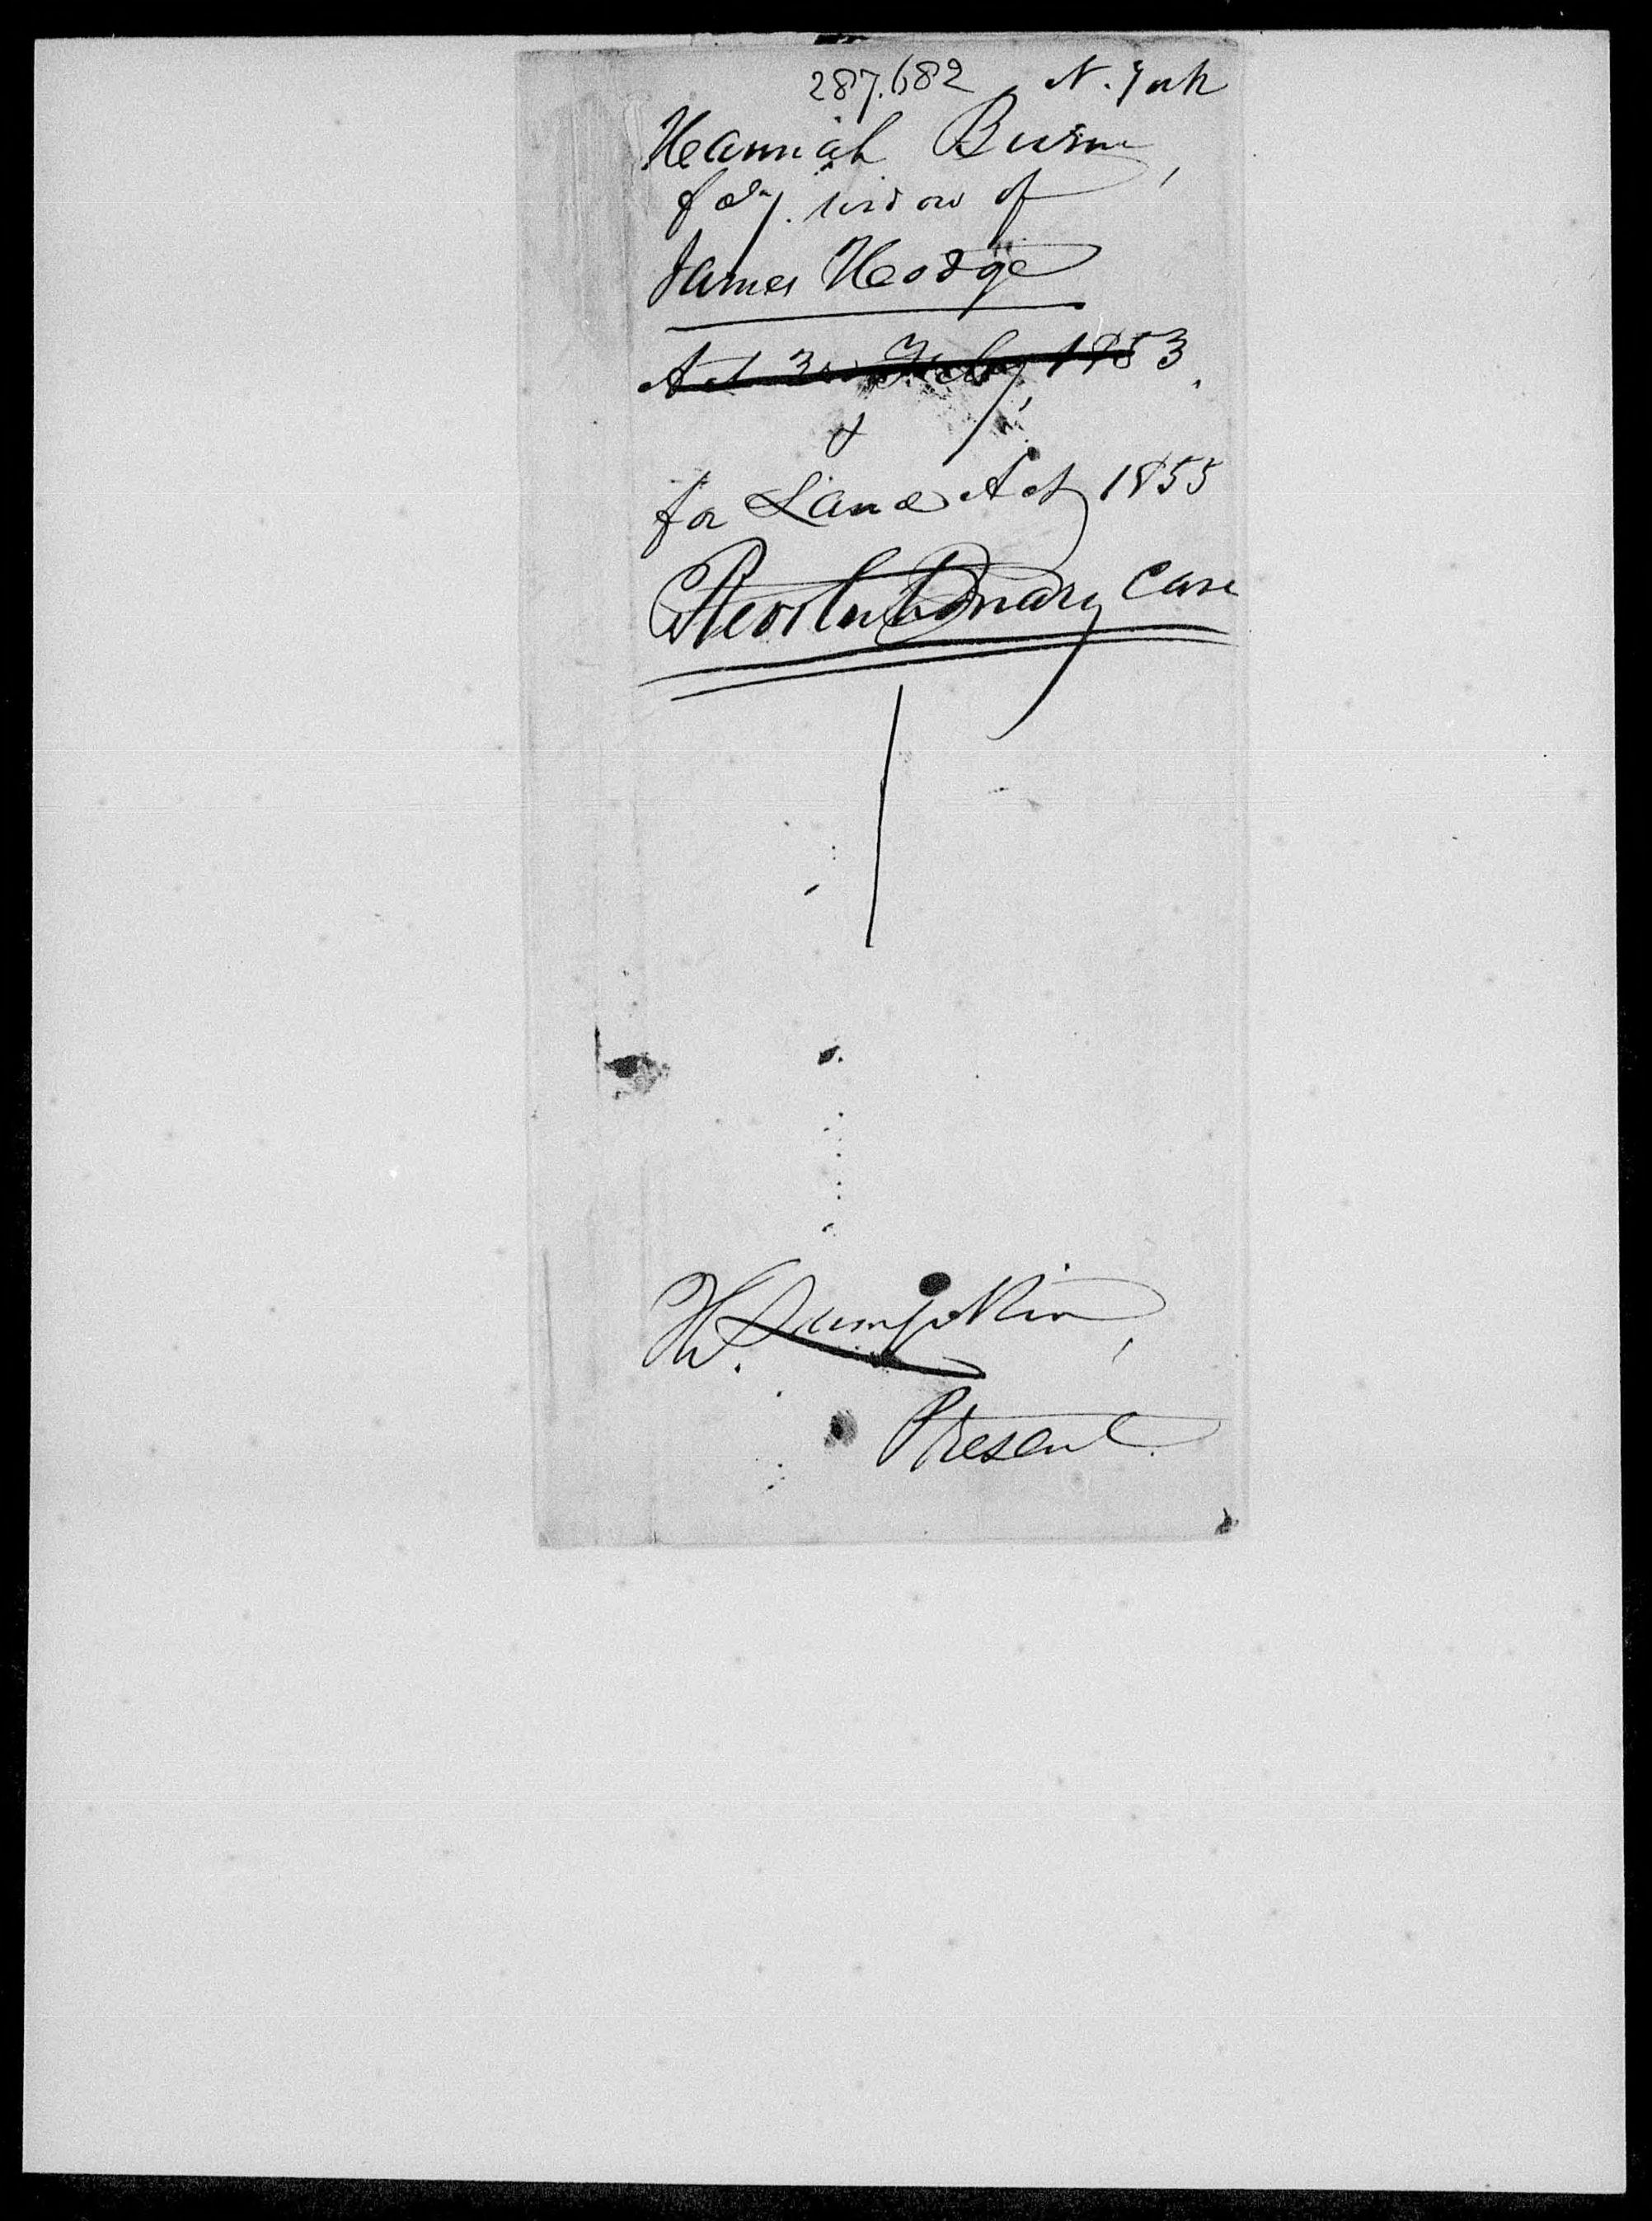287.682  N. York
Neamigh  Burns,
for. widow of 
James Hodge
(Crossed out information)
& for Land Act 1855

Revolutionary Case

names: James Hodge, Tho Lumpkin, Hannah Burns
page: 21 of 48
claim: widow's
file: W. 10476, James Hodge, New York